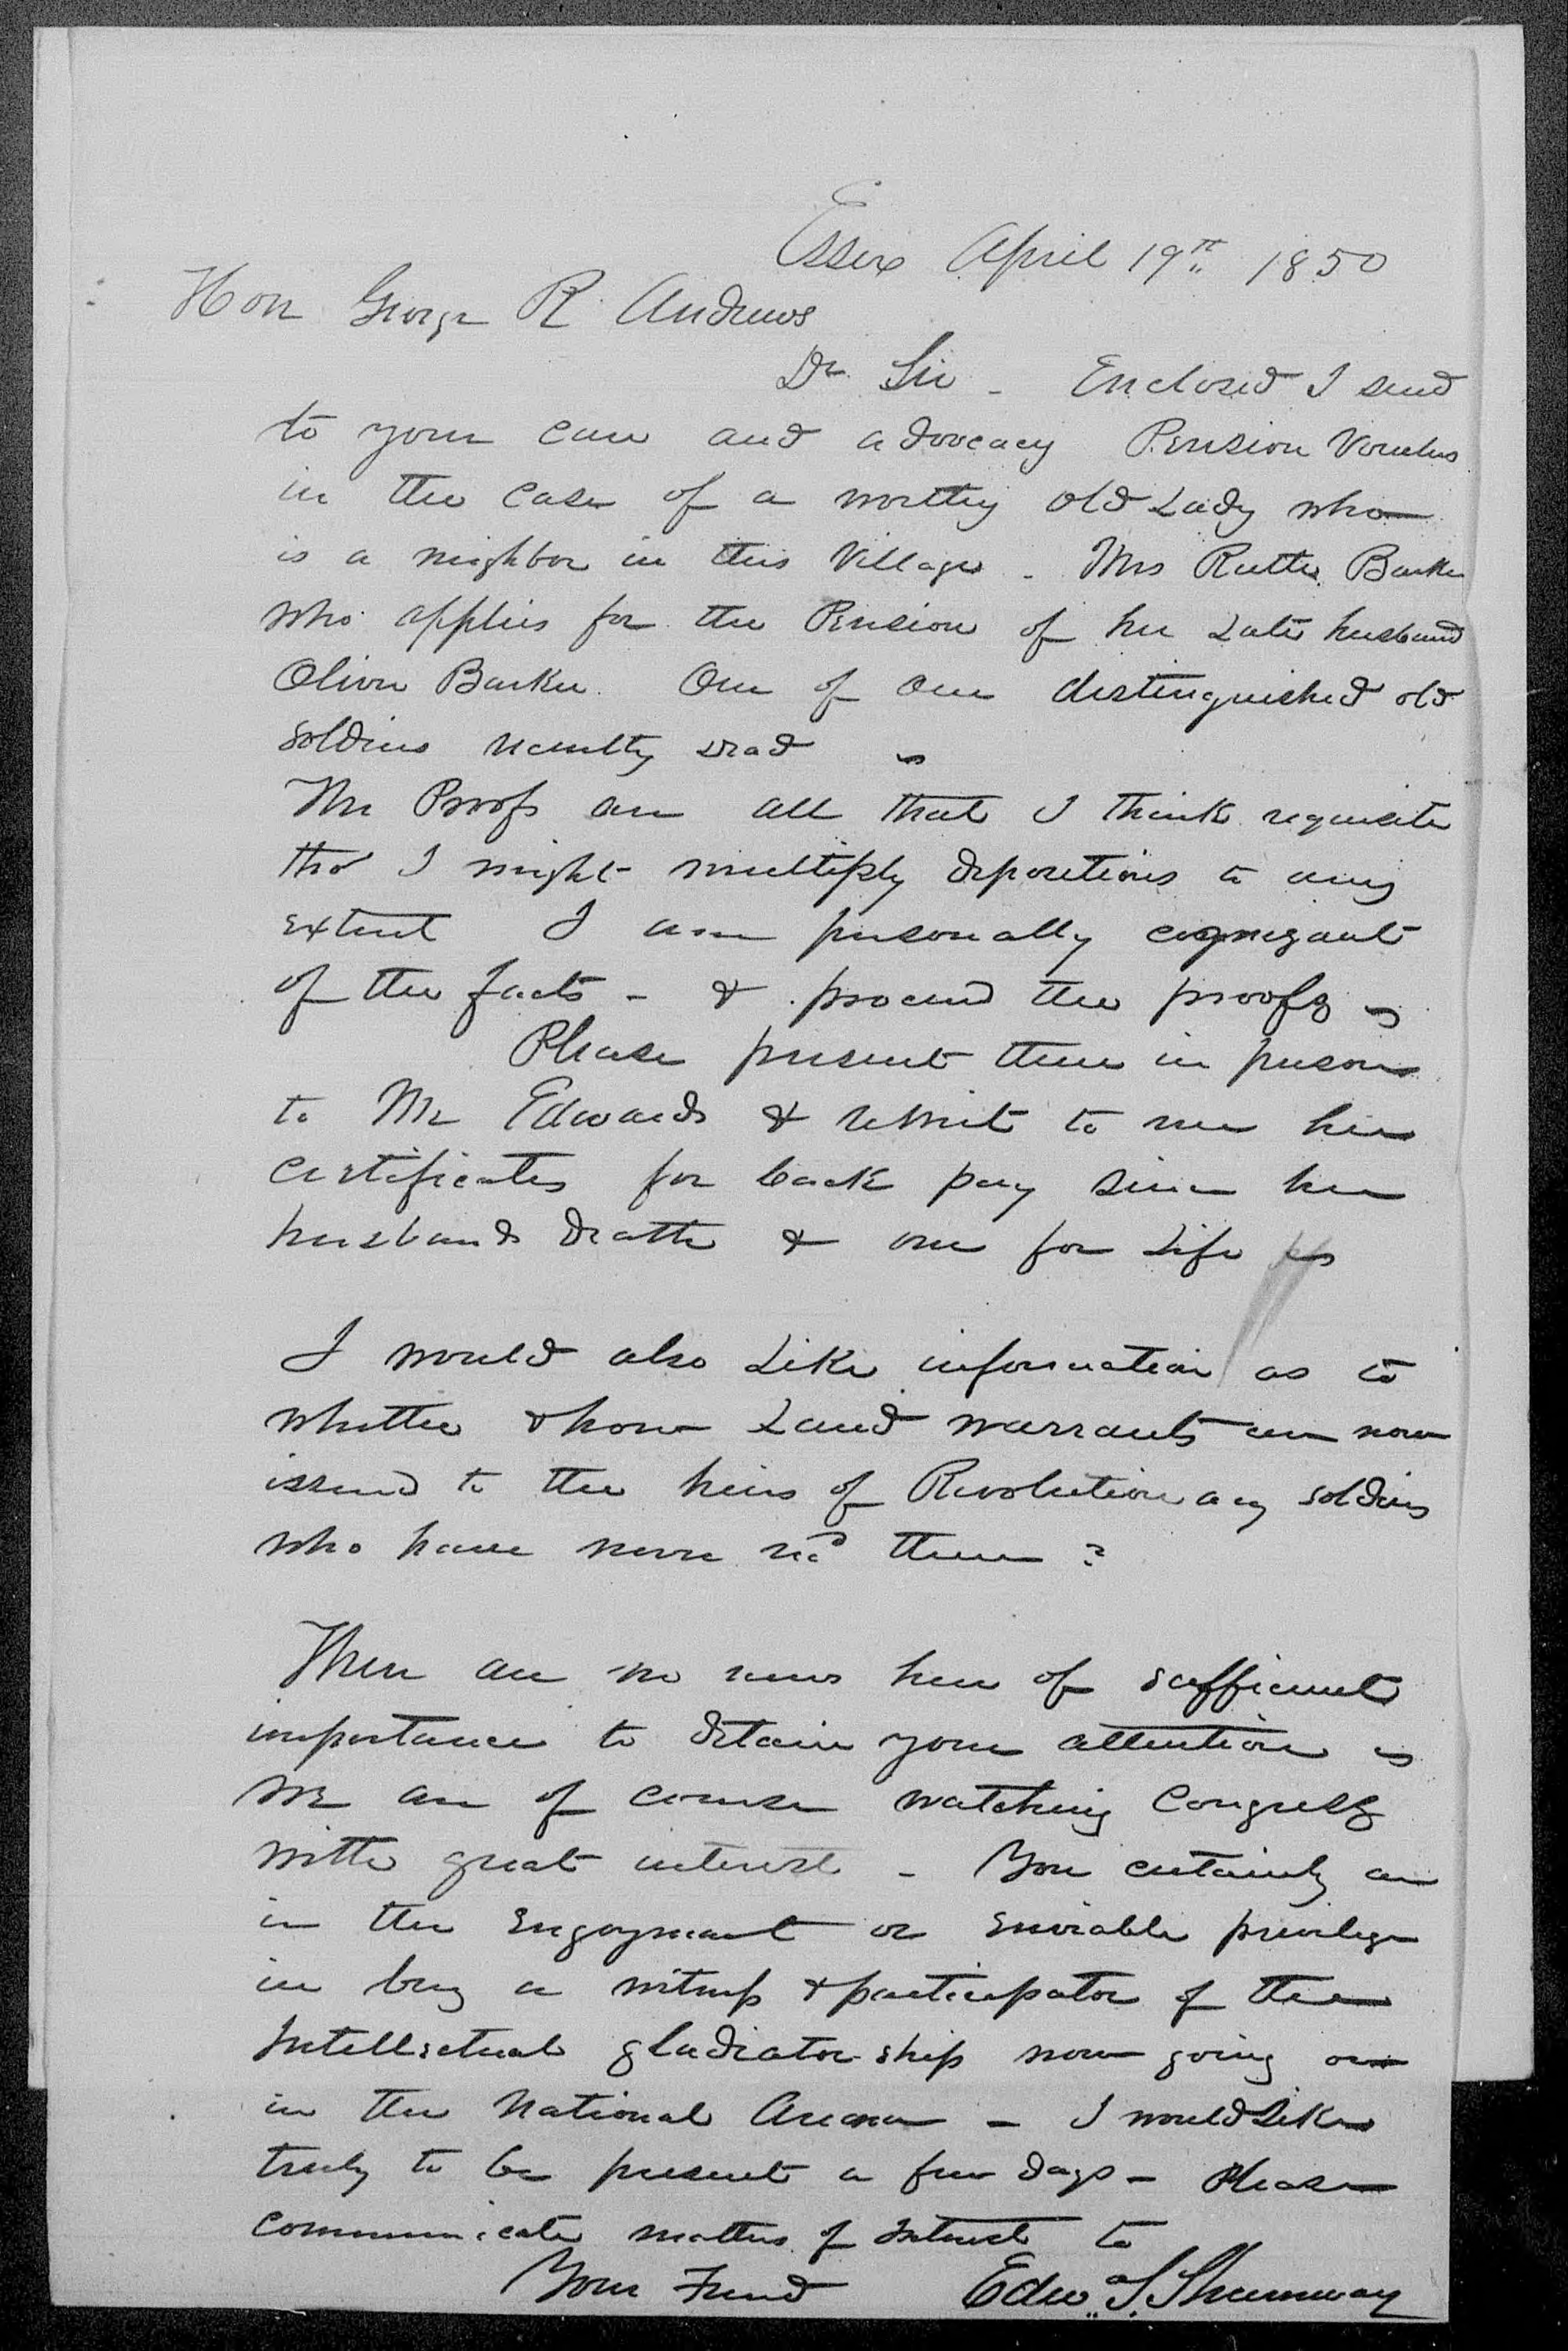Essex April 19th 1850 
Hon George R Andrews 
Dr Sir  
Enclosed I send to your care and advocacy Pension Vouchers in the case of a worthy old lady who is a neighbor in this Village - Mrs Ruth Barker who applies for the Pension of her late husband Oliver Barker. One of one distinguished on Soldiers recently dec’d. 
The Proofs are all that I think requiate tho I might multiply depositions to any Extent I am personally cognizant of the facts. & proceed the proofs 
Please present these in person to Mr Edwards & remit to me her certificate for back pay since her husband death & one for life -  
I would also like information as to whither & how Land warrants are now issued to the heirs of Revolutionary soldiers who have never rec’d them?  
There are no news here of sufficient importance to retain your attention -  We are of course watching Congress with great interest - You certainly an in the enjoyment or enviable privilege in being a witness & participator of the Intellectual gladiatorship now going on in the National Arena. I would like truly to be present a few days - Please communicate matters of Interest to Your Friend 
Edw S. Shumway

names: Edw S Shumway, Resnit, George R Andrews, Edwards, Ruth Barker, Oliver Barker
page: 39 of 51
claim: widow's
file: W. 1698, Oliver Barker, Conn.